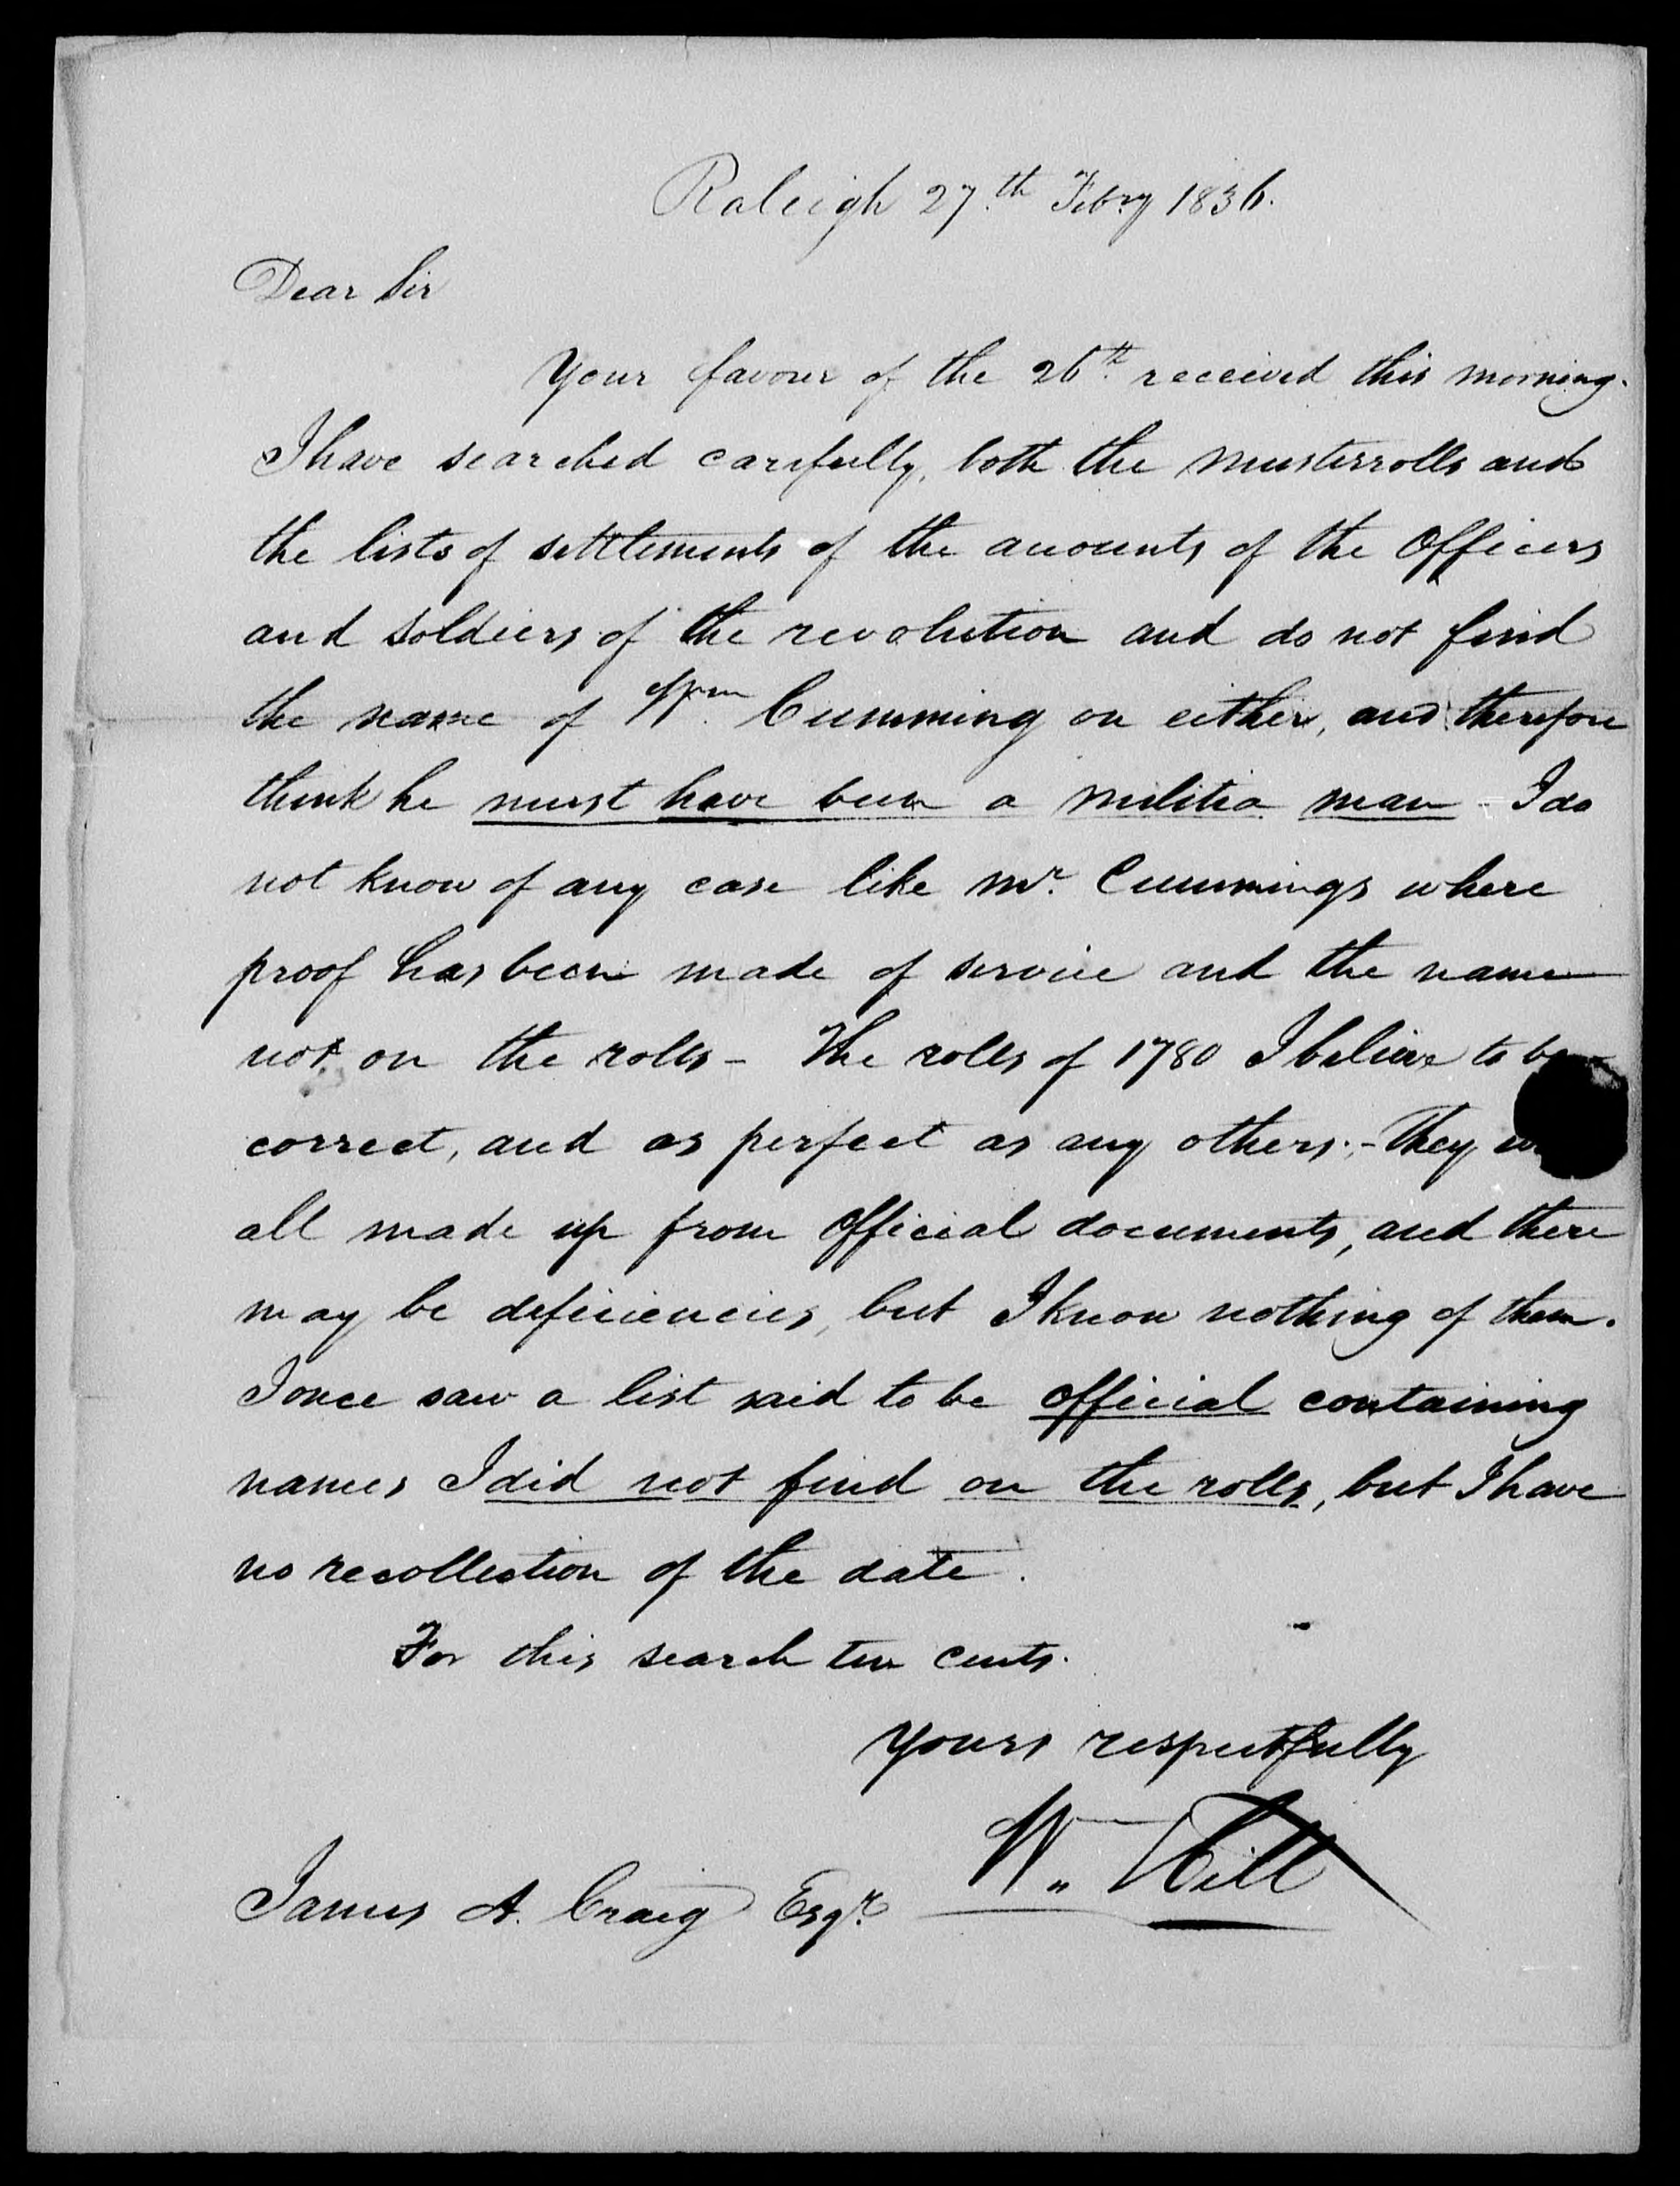[Handwritten letter.  Occasional spacing has been included to make the long text block easier to read.]

Raleigh 27th Febry 1836.

Dear Sir

Your favour of the 26th. received this morning.  I have searched carefully, both the muster rolls and the lists of settlements of the accounts of the Officers and Soldiers of the revolution and do not find the name of Wm. Cumming on either, and therefore think he [here the following six words are underlined:] must have been a Militia Man.  

I do not know of any case like Mr. Cummings where proof has been made of Service and the name not on the rolls - The rolls of 1780 I believe to be correct and as perfect as any others; -  They s- [rest of the preceding word is blotted by ink] all made up from Official documents, and there may be deficiencies, but I know nothing of them.

I once saw a list said to be [here the next word is underlined] Official containing names I [here the next six words are underlined] did not find on the rolls, but I have no recollection of the date.

For this search ten cents.

Yours respectfully
W. [or Wm.] Hill

James A. Craig Esqr.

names: W Hill, Wm Cumming, James A Craig, Cummings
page: 86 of 145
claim: survivor's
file: S. 8265, William Cumming, N.C.